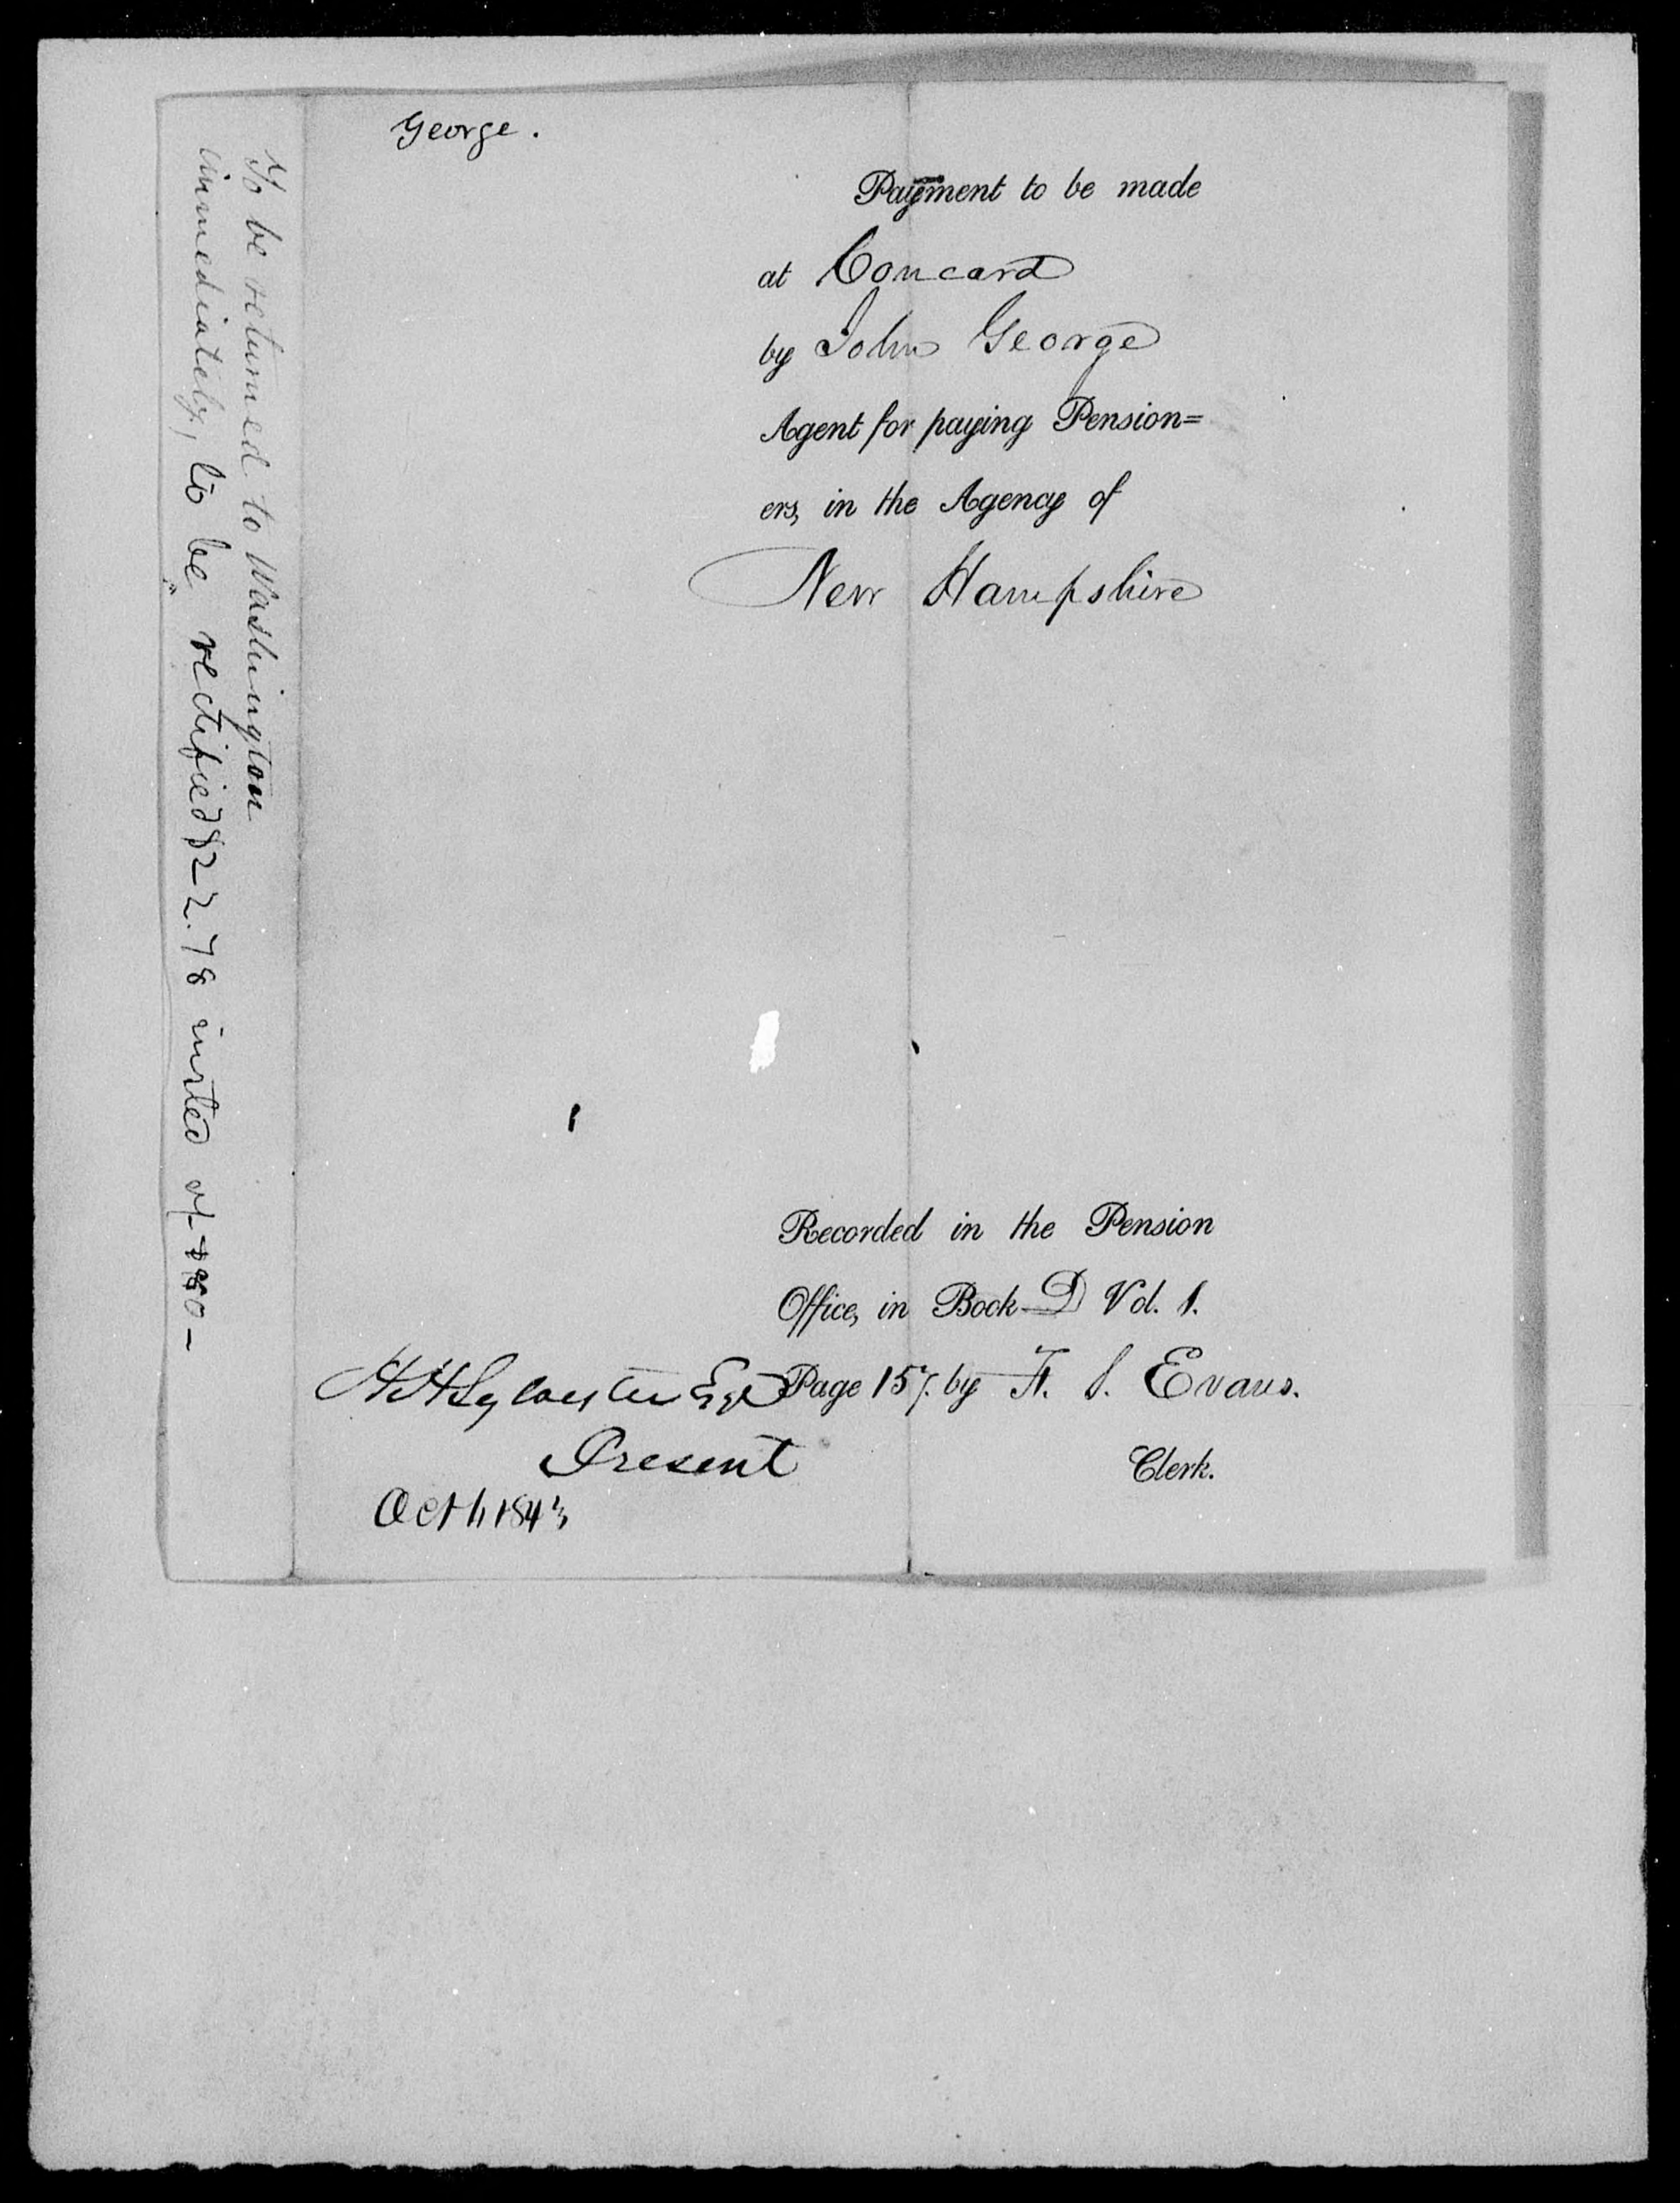George

Payment to be made at Concord by John George
Agent for paying Pensioners in the Agency of
New Hampshire

Recorded in the Pension Office, in Book D Vol. 1.
Page 157 by F. S. Evans, Clerk

H. H. Sylvester Esq
Present
Oct [illegible]1843

To be returned to Washington
immediately, to be rectified $22.78 [illegible]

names: George, H H Sylvester, John George, F S Evans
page: 13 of 19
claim: survivor's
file: S. 15140, Samuel George, N.H.